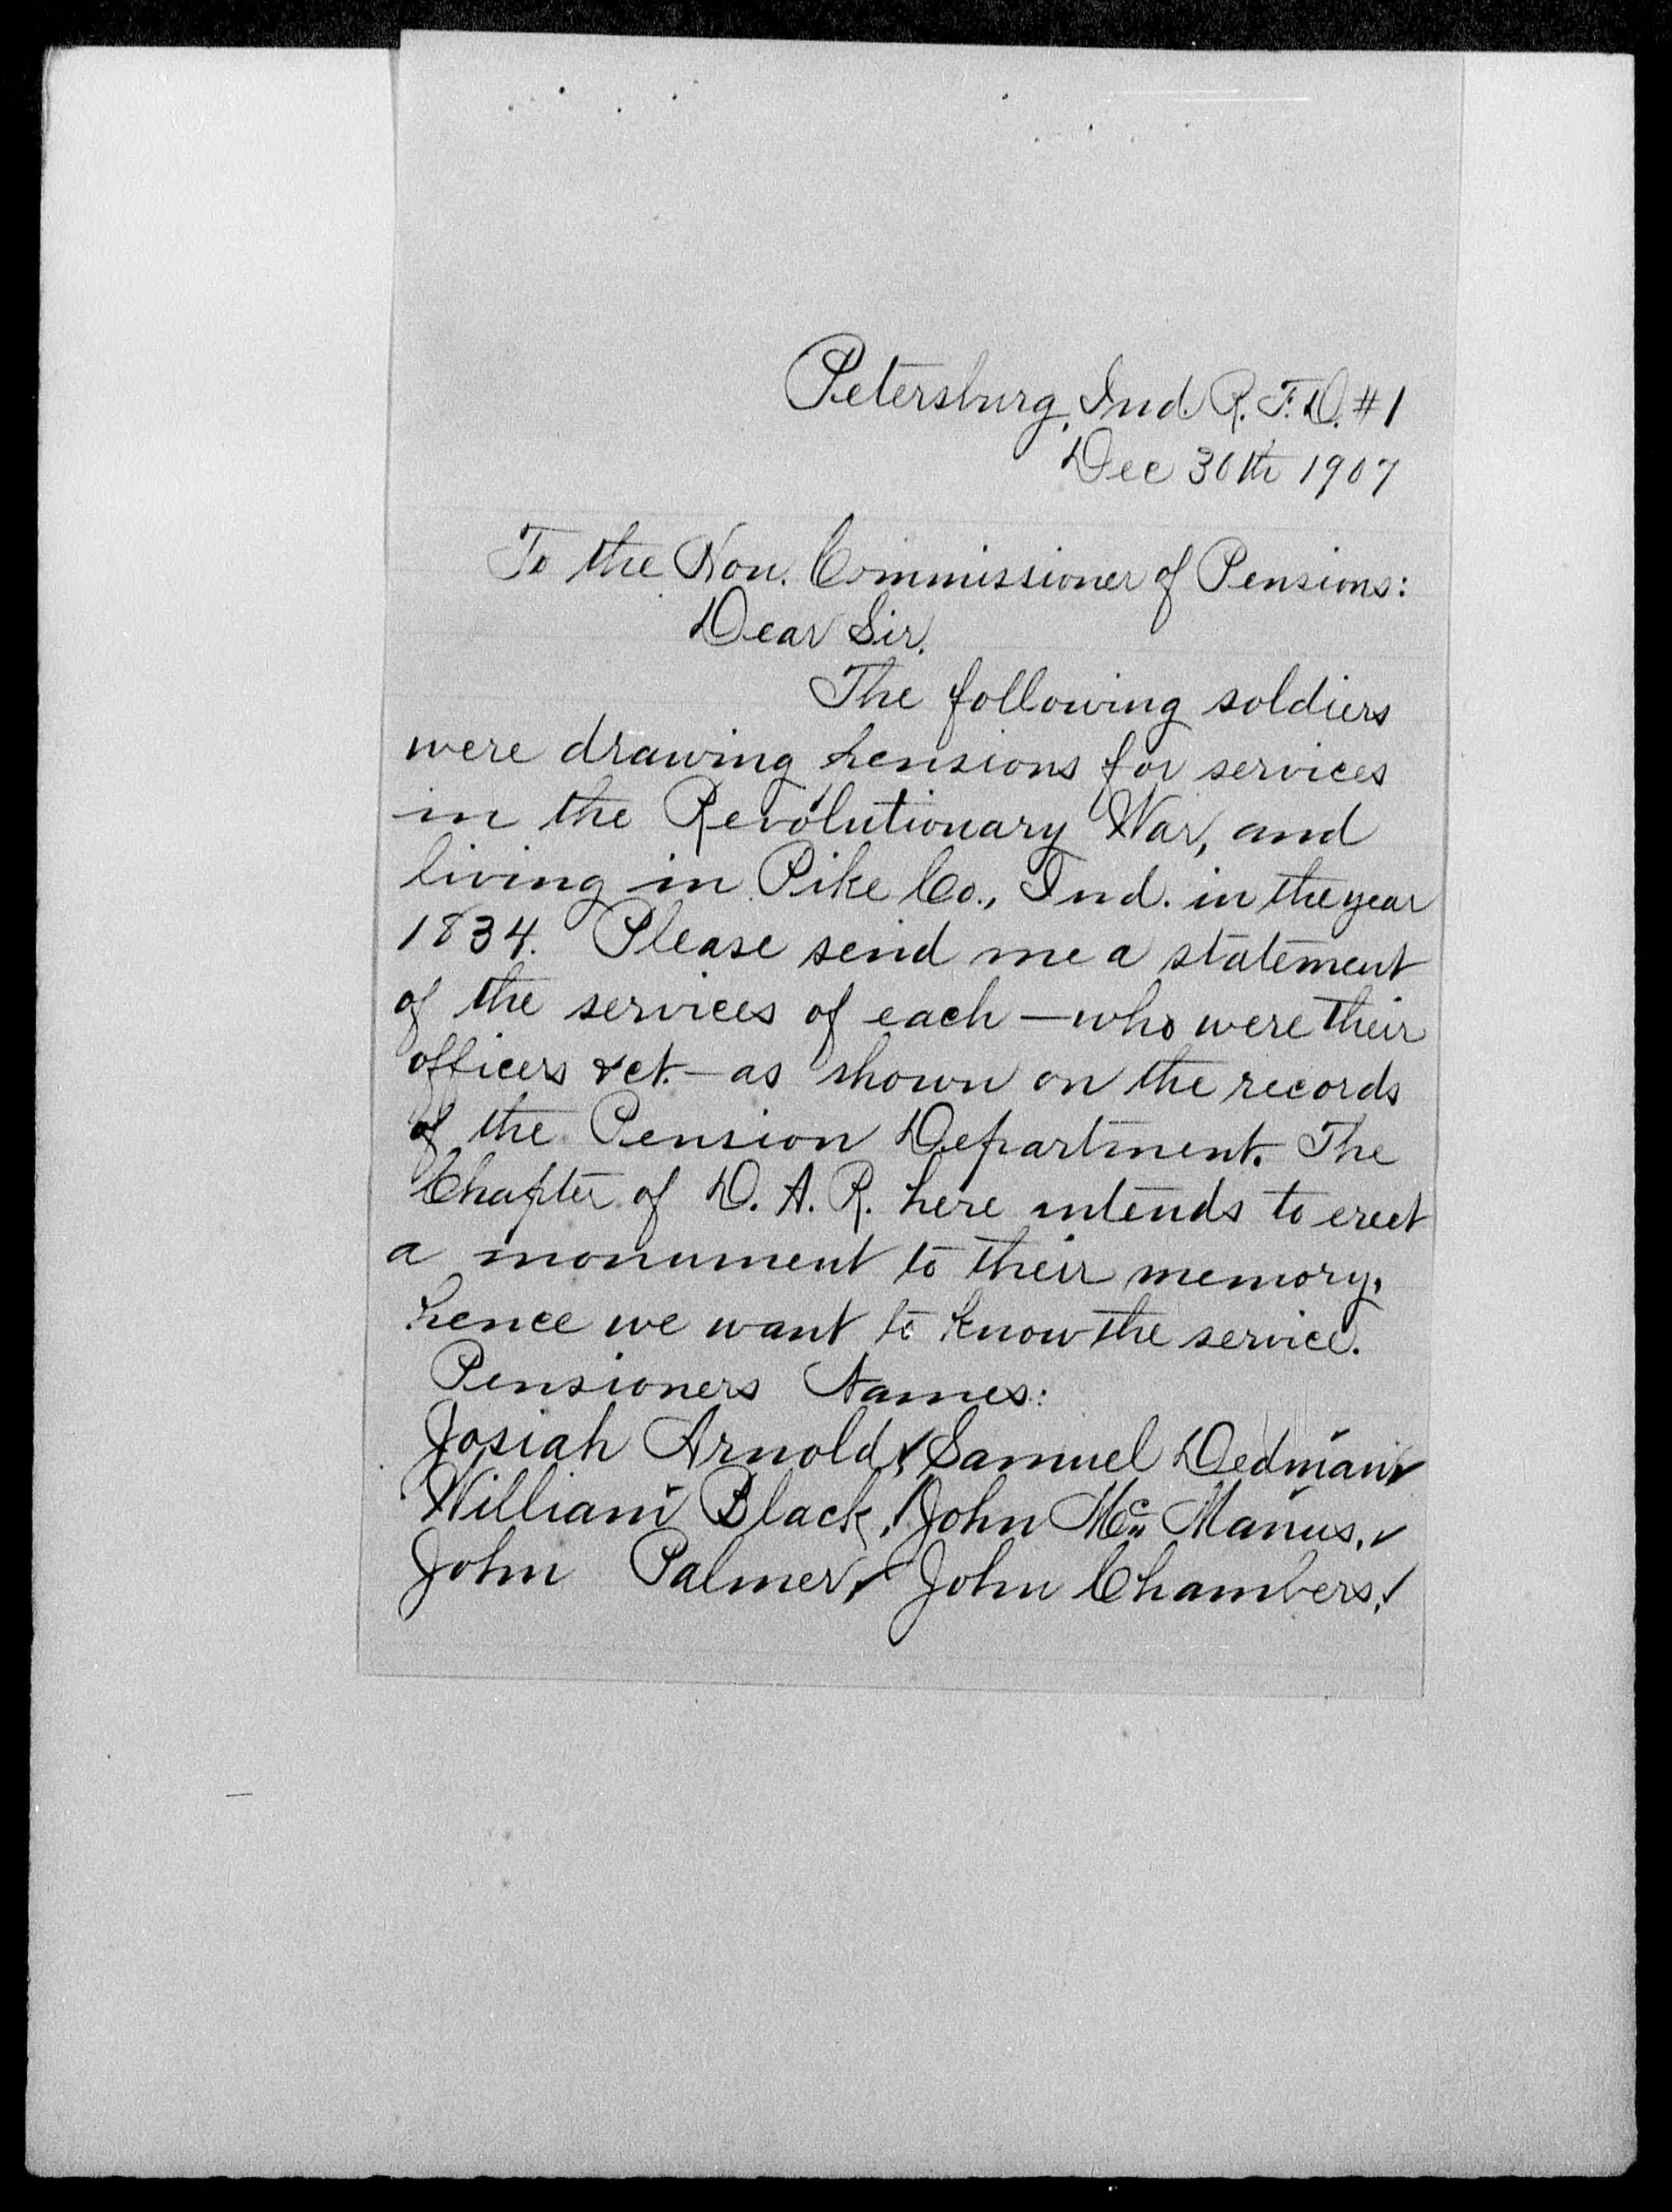Petersburgh, Ind. R. F. D. #1
Dec 30th 1907
To the Hon. Commissioner of Pensions:
Dear Sir,
The following soldiers were drawing pensions for services in the Revolutionary War, and living in Pike Co. Ind. in the year 1834. Please send me a statement of the services of each --- who were their officers &ct. --as shown on the records of the Pension Department. The Chapter of D. A. R. here intends to erect a monument to their memory, hence we want to know their service. Pensioners names: Josiah Arnold, Samuel Dedman, William Black, John McManus, John Palmer, John Chambers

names: John Chambers, Samuel Dedman, William Black, John Palmer, John Mc Manus, Josiah Arnold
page: 47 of 49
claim: widow's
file: W. 2518, James Brenton, Va.